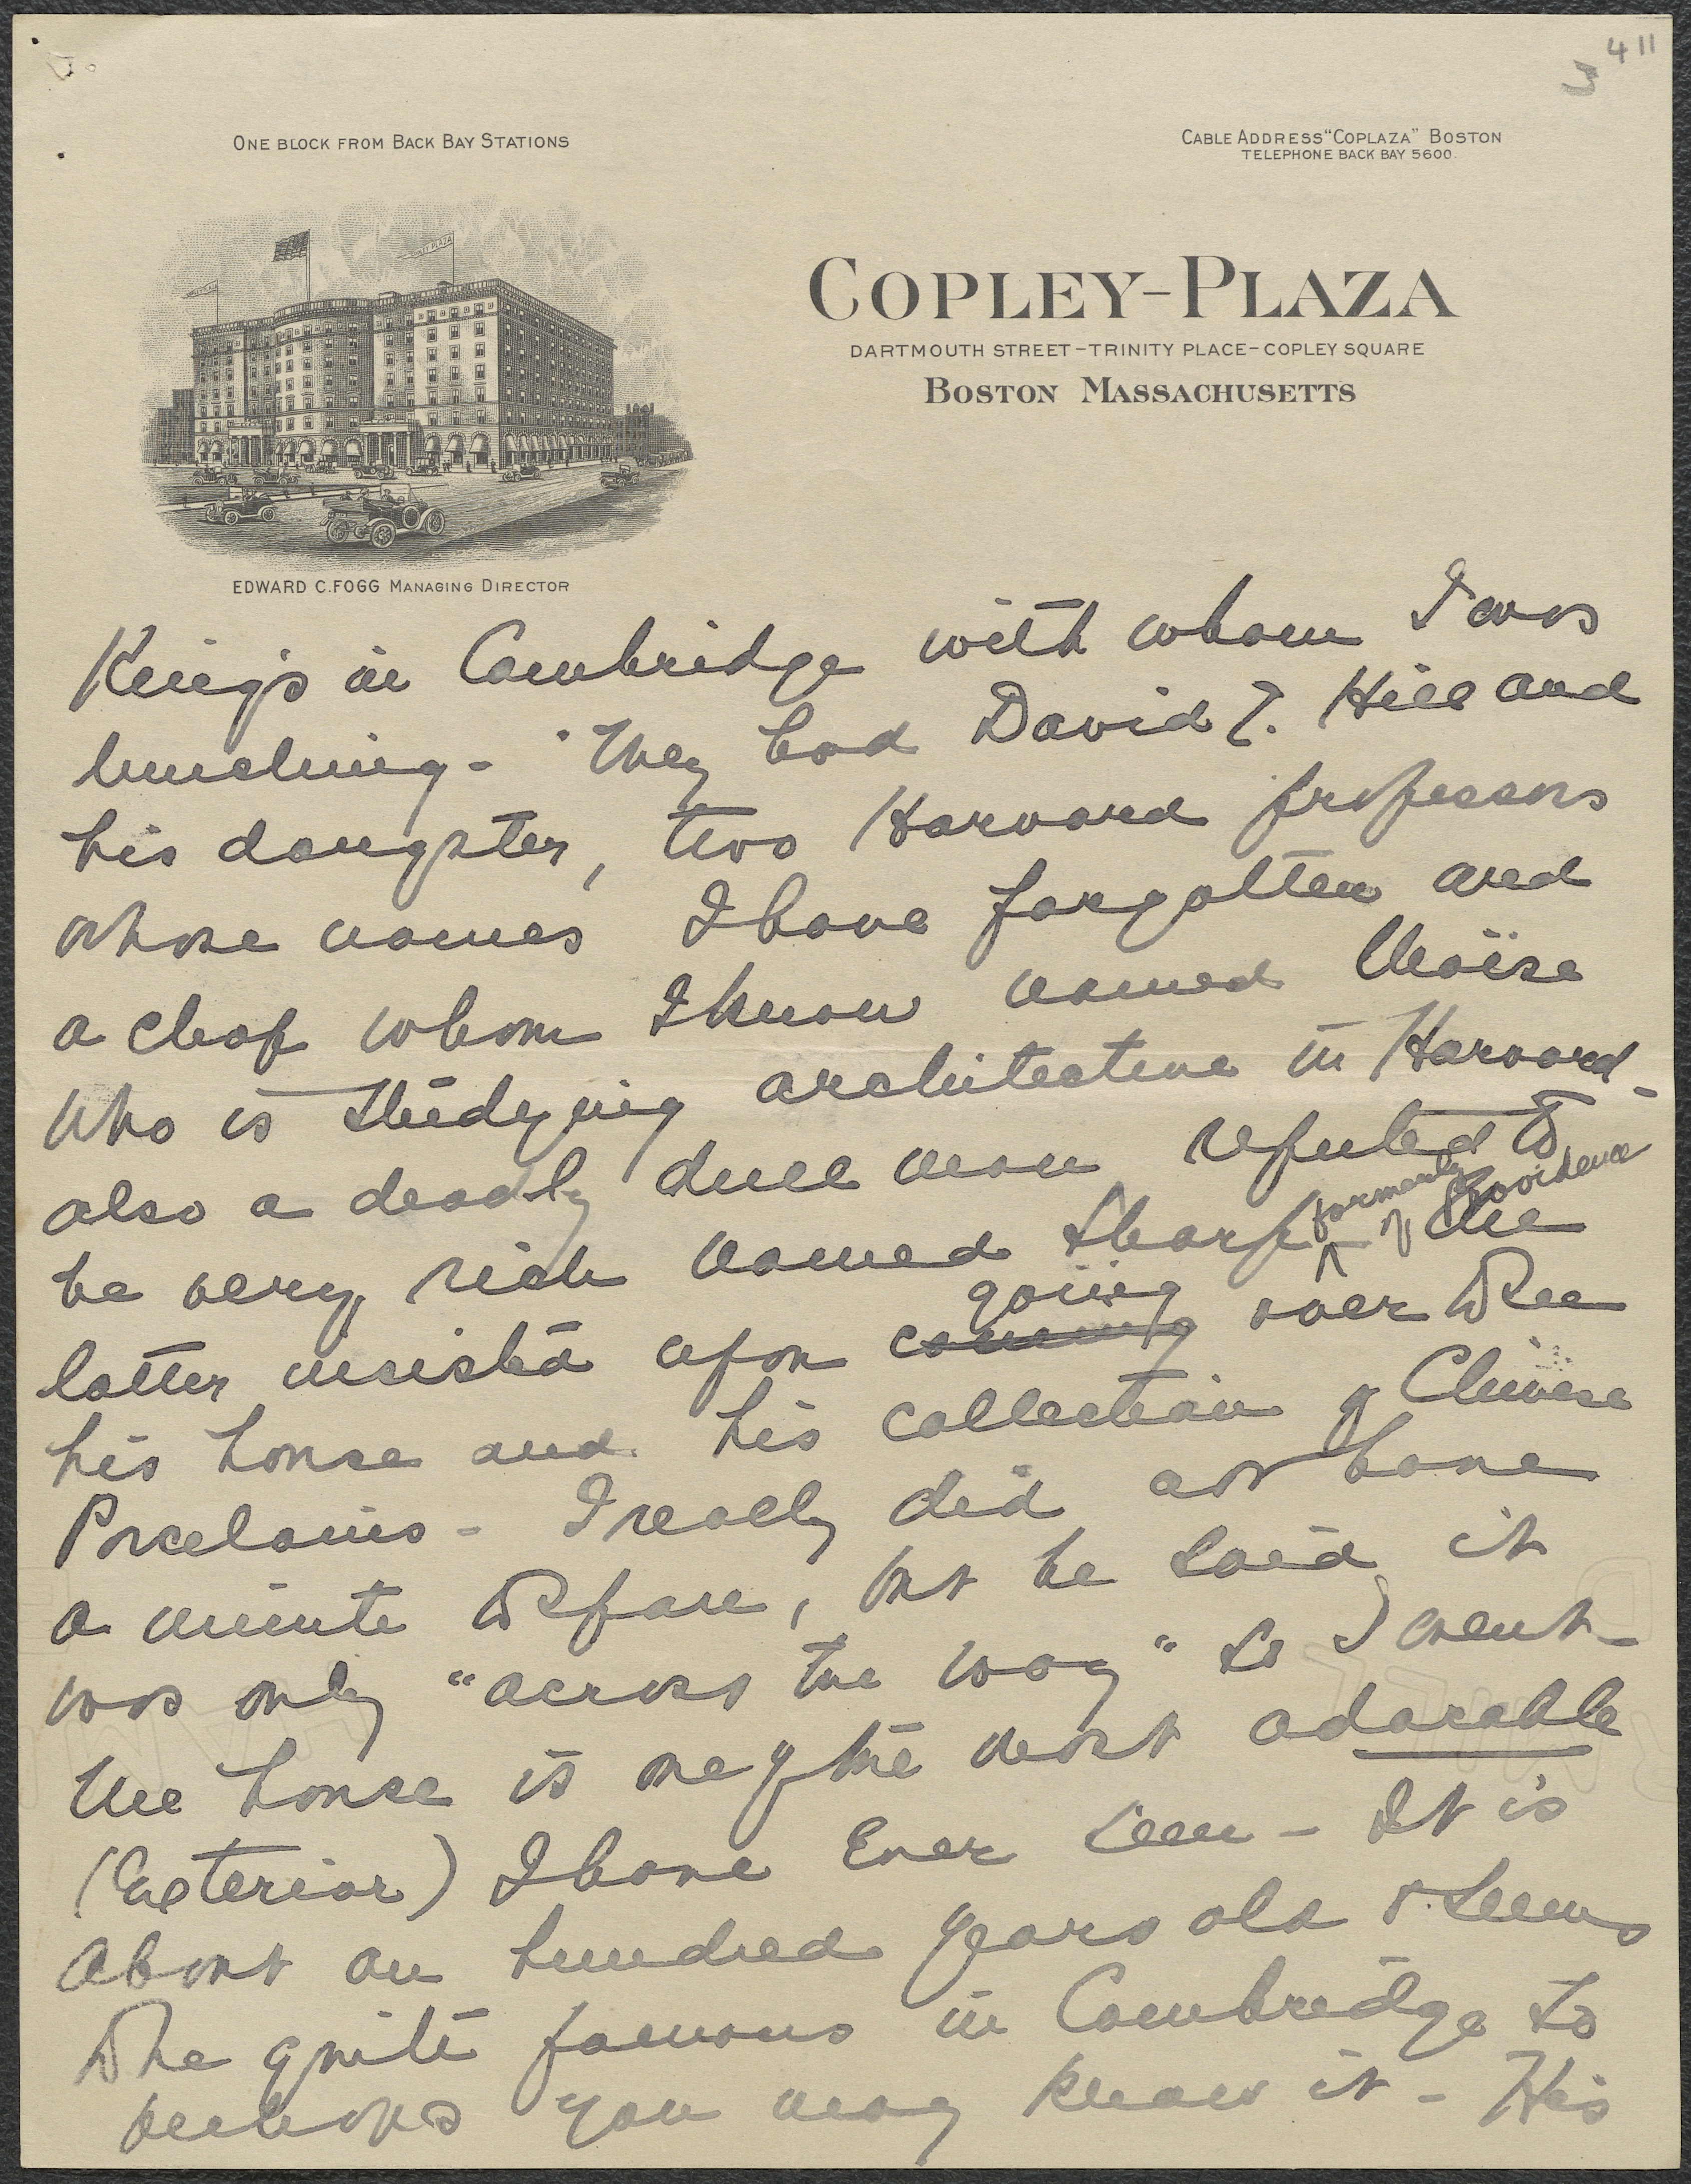King’s in Cambridge with whom I was lunching – they had David L. Hill and his daughter, two Harvard professors whose names I have forgotten and a chap whom I know named Moïse who is studying architecture in Harvard – also a deadly dull man refuted to be very rich named Sharp [^ formerly of Providence^] – the latter visited upon coming going over to see his house and his collection of Chinese Porcelains – I really did not have a minute to spare, but he said it was only “across the way” so I went – the house is one of the most adorable (exterior) I have ever seen – It is about an hundred years old & seems to be quite famous in Cambridge so perhaps you may know it – His